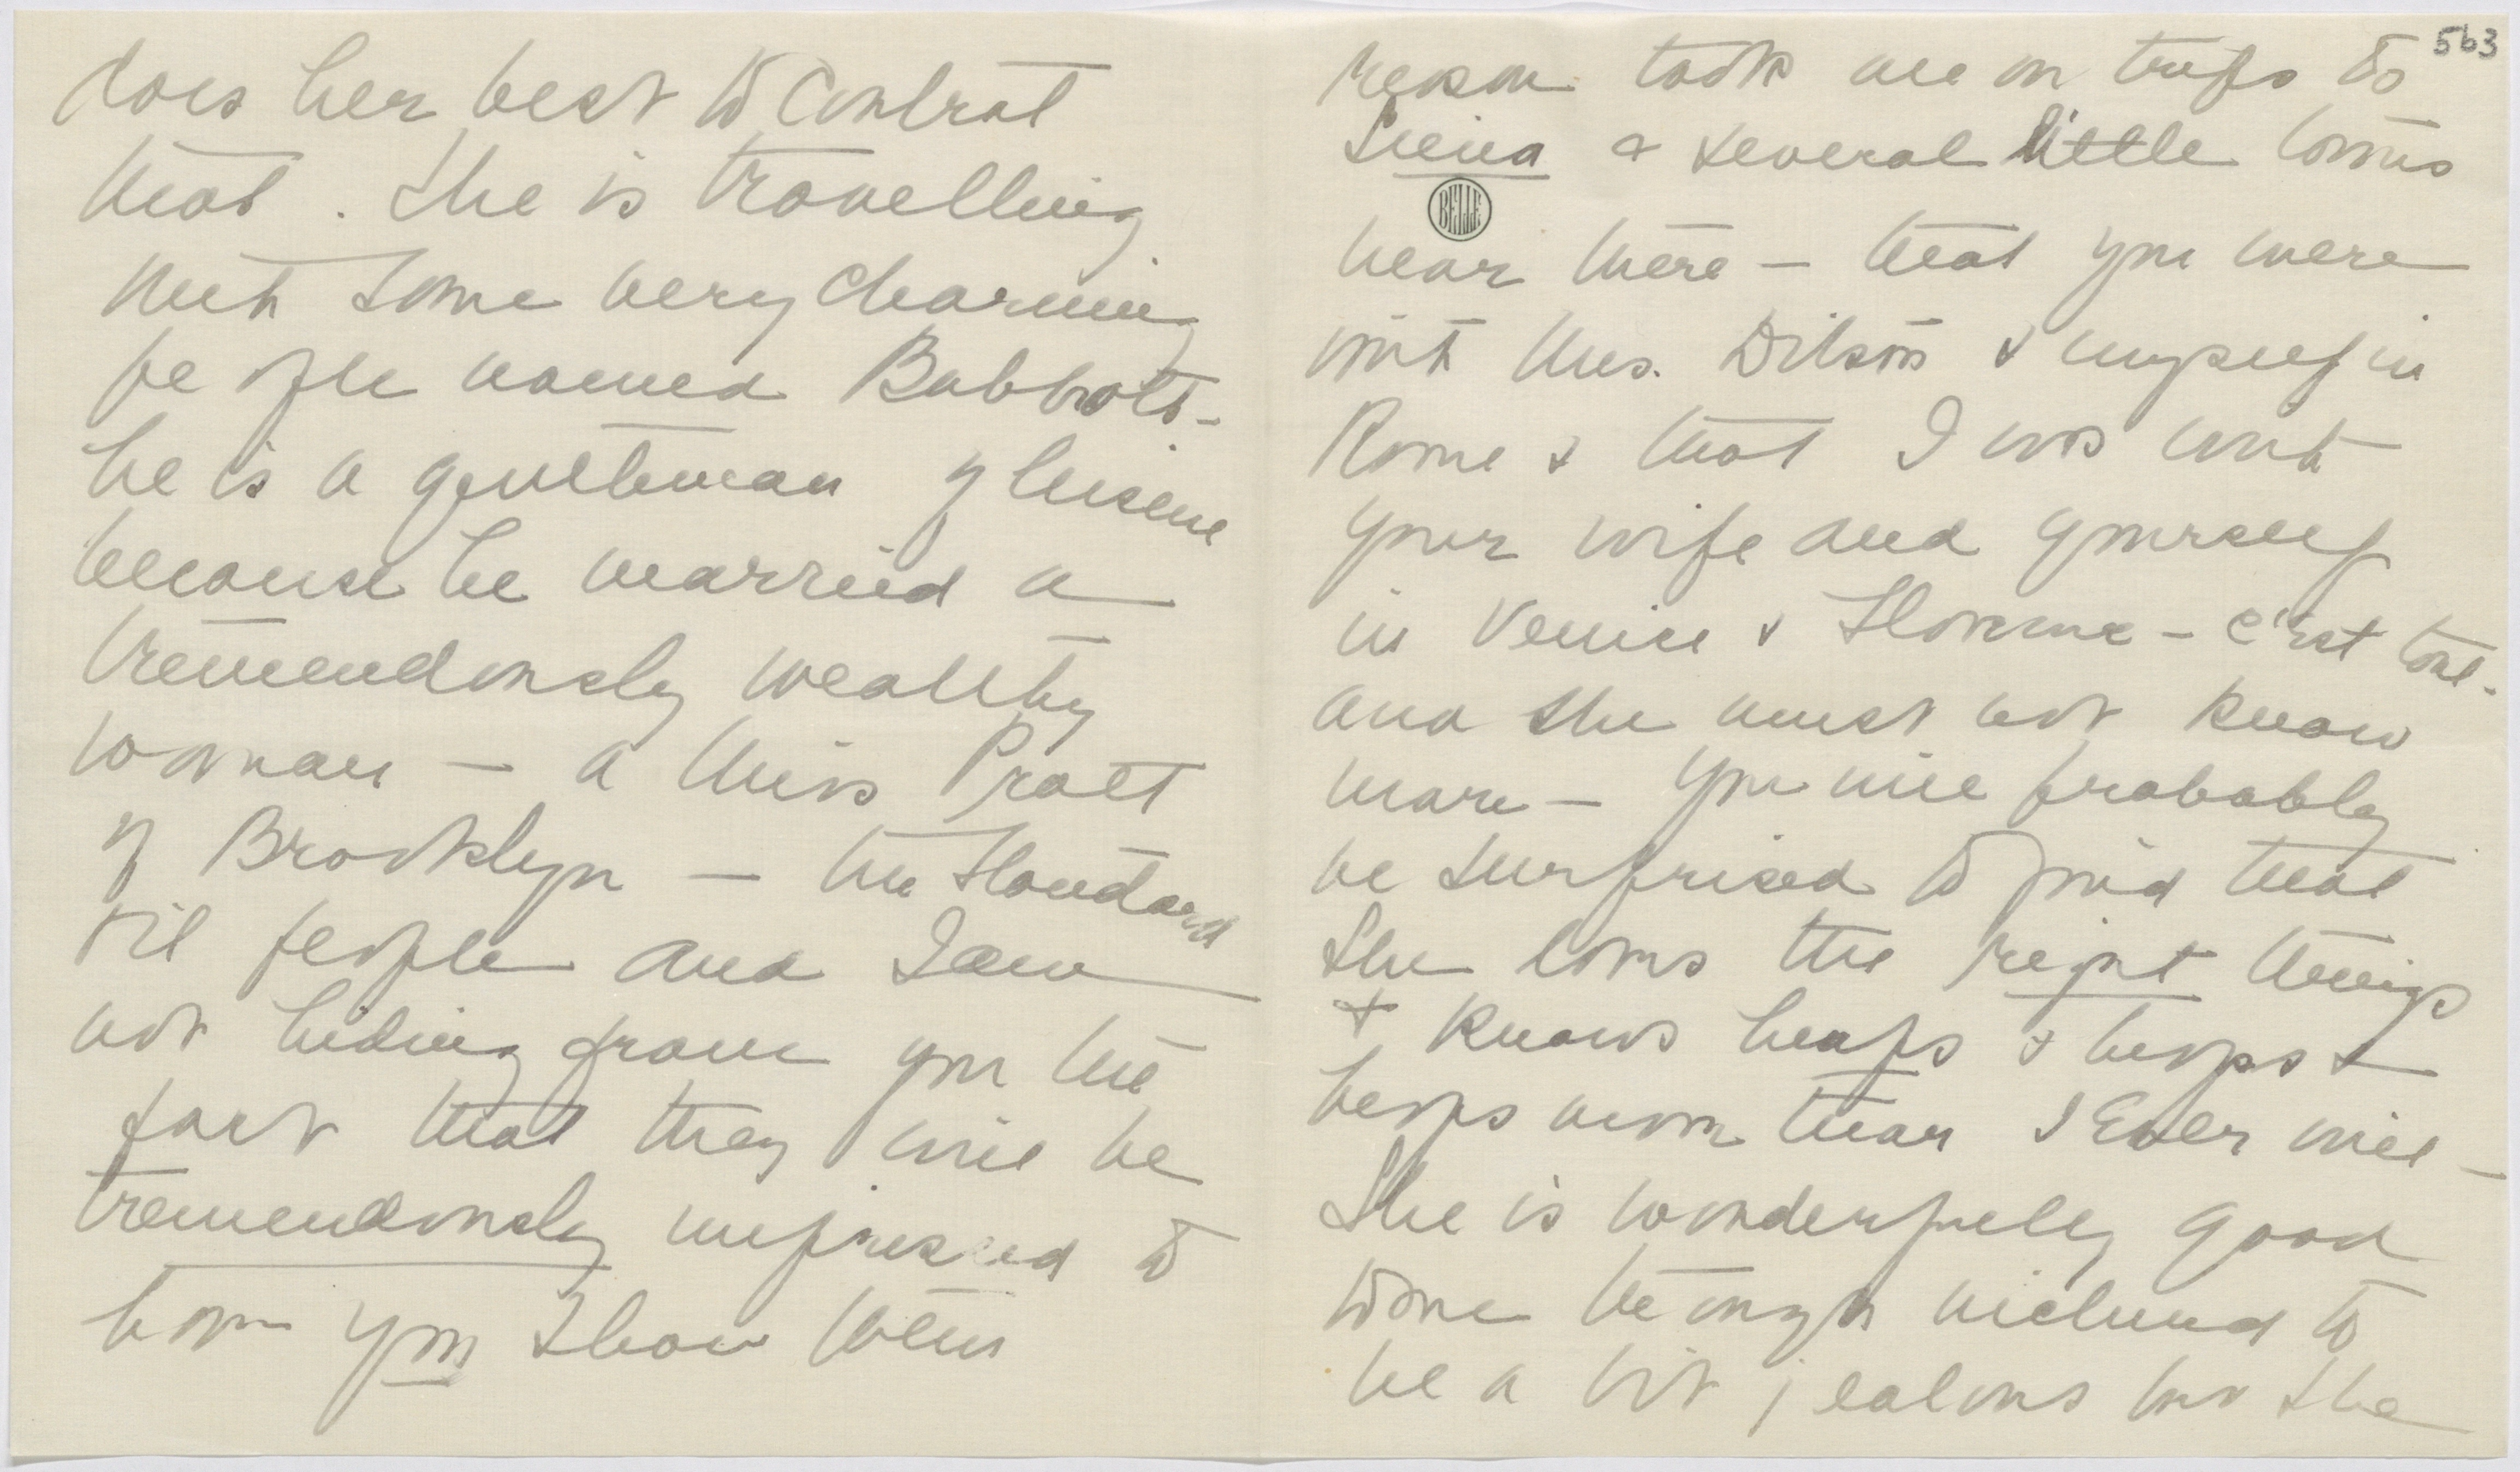reason took me on trips to Siena & several little towns near there – that you were with Mrs. Ditson & myself in Rome & that I was with your wife and yourself in Venice & Florence – c’est tout – and she must not know more – You will probably be surprised to find that she loves the right things & knows heaps & heaps & heaps more than I ever will – She is wonderfully good to me though inclined to be a bit jealous but she
does her best to control that. She is travelling with some very charming people named Babbott – he is a gentleman of leisure because he married a tremendously wealthy woman – a Miss Pratt of Brooklyn – the Standard Oil people and I am not hiding from you the part that they will be tremendously impressed to have you show them